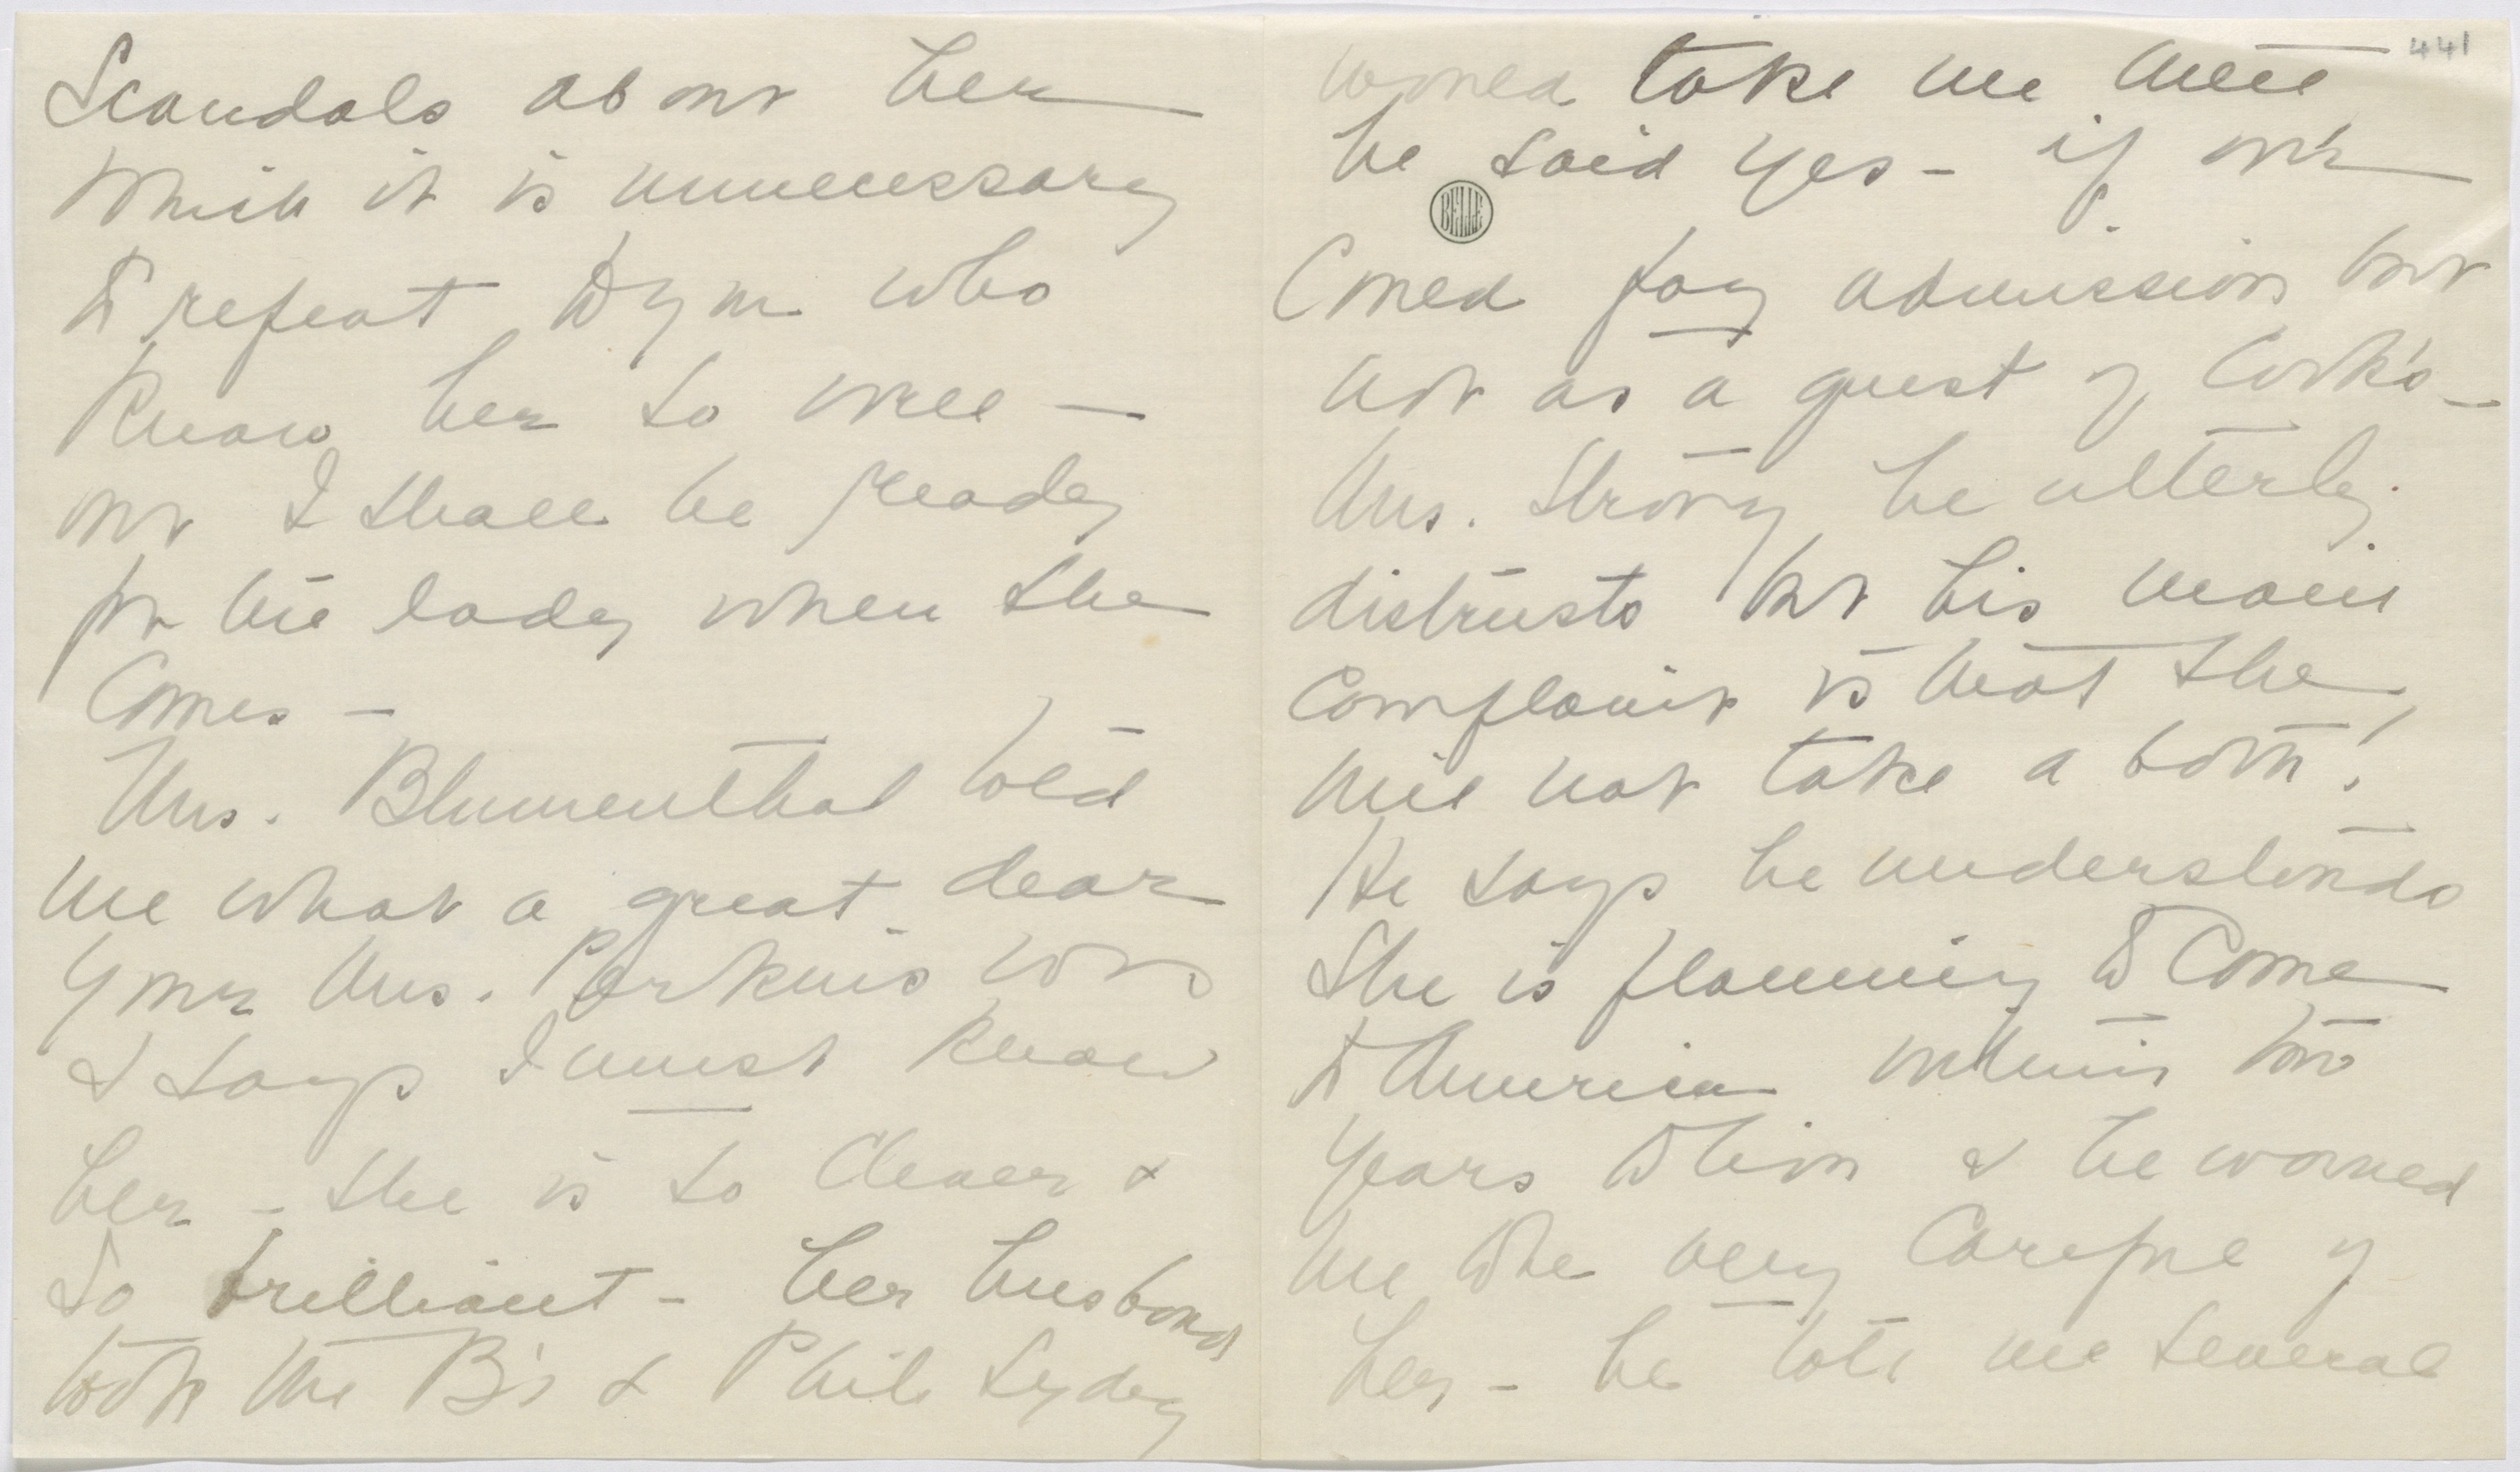would take me there he said yes – if we could pay admission but not as a guest of Cook’s – Mrs. Strong he utterly distrusts but his main complaint is that she will not take a bath! He says he understands she is planning to come to America within two years to live & he warned me to be very careful of her – he told me several
scandals about her which it is unnecessary to repeat to you who know her so well – but I shall be ready for the lady when she comes –
Mrs. Blumenthal told me what a great dear your Mrs. Perkins was & says I must know her – she is so clever & so brilliant – her husband took the B’s & Phil Lydig